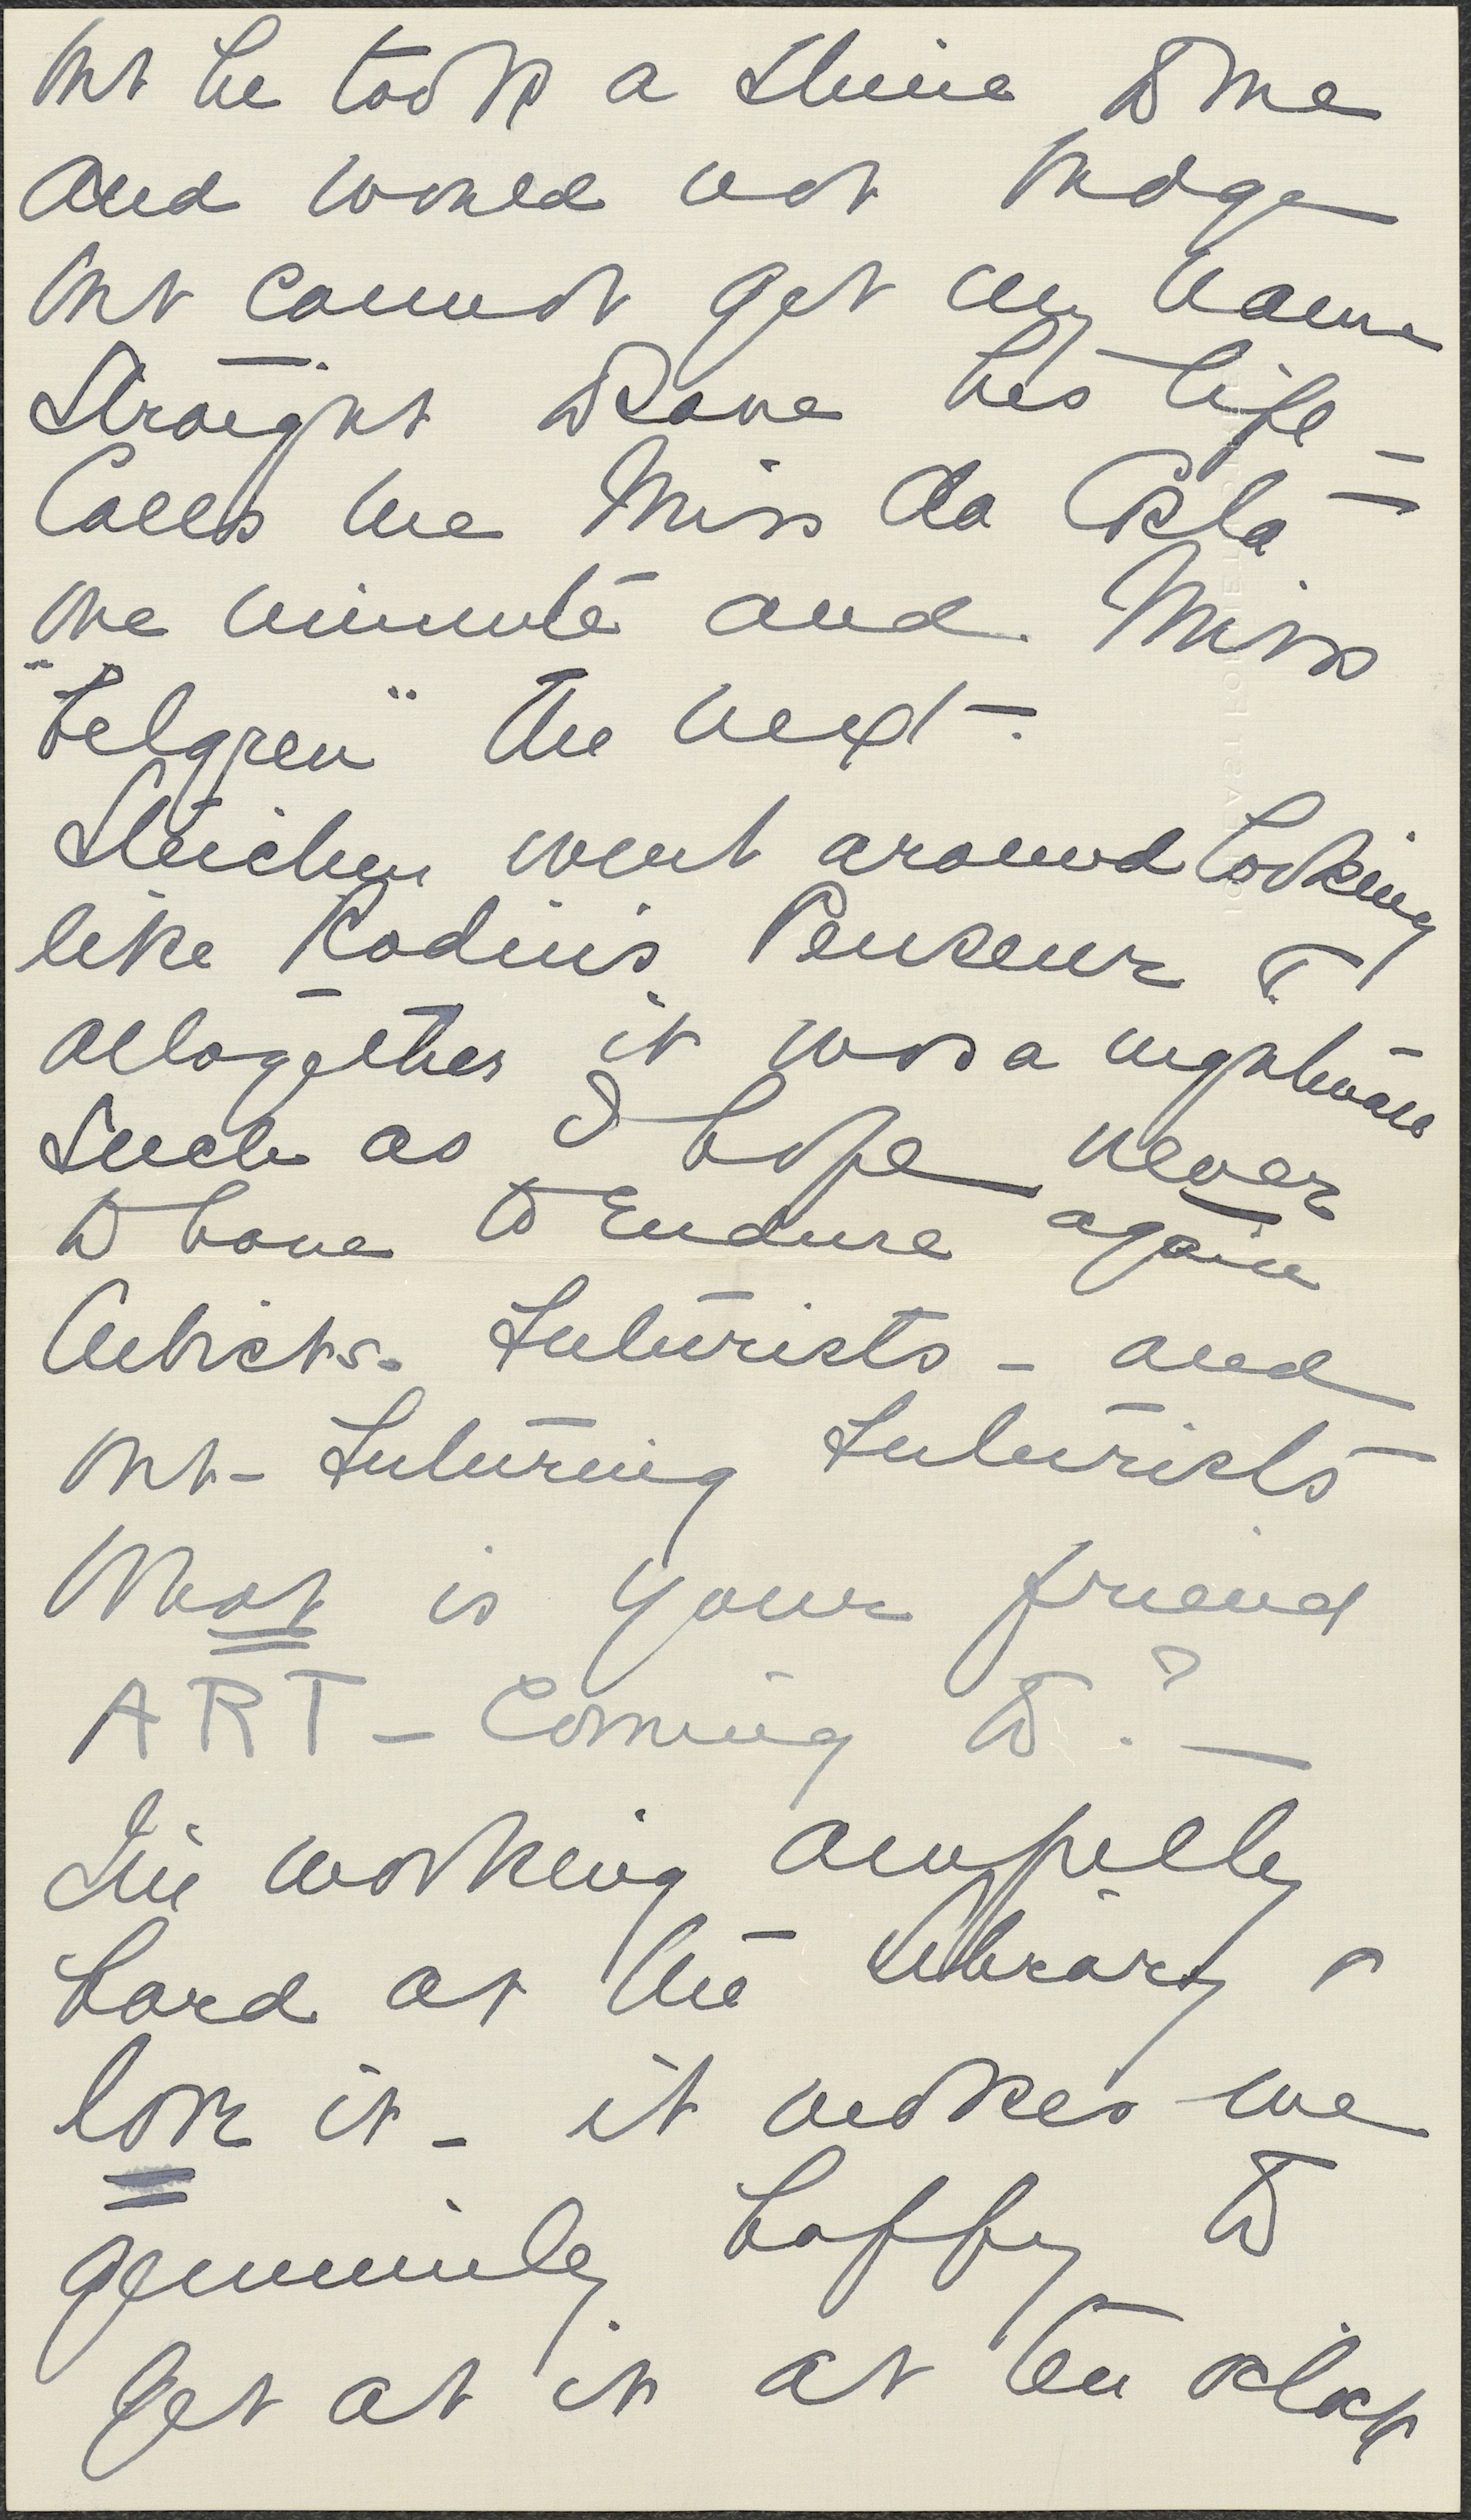but he took a shine to me and would not budge but cannot get my name straight to save his life – calls me Miss da Costa one minute and Miss “belgreen” the next
Steichen went around looking like Rodin’s Penseur & altogether it was a nightmare such as I hope never to have to endure again Cubists – Futurists – and out-futuring Futurists [double underlined: what] is your friend ART – coming to? – I’m working awfully hard at the Library & [double underlined: love] it – it makes me genuinely happy to get at it at ten o’clock